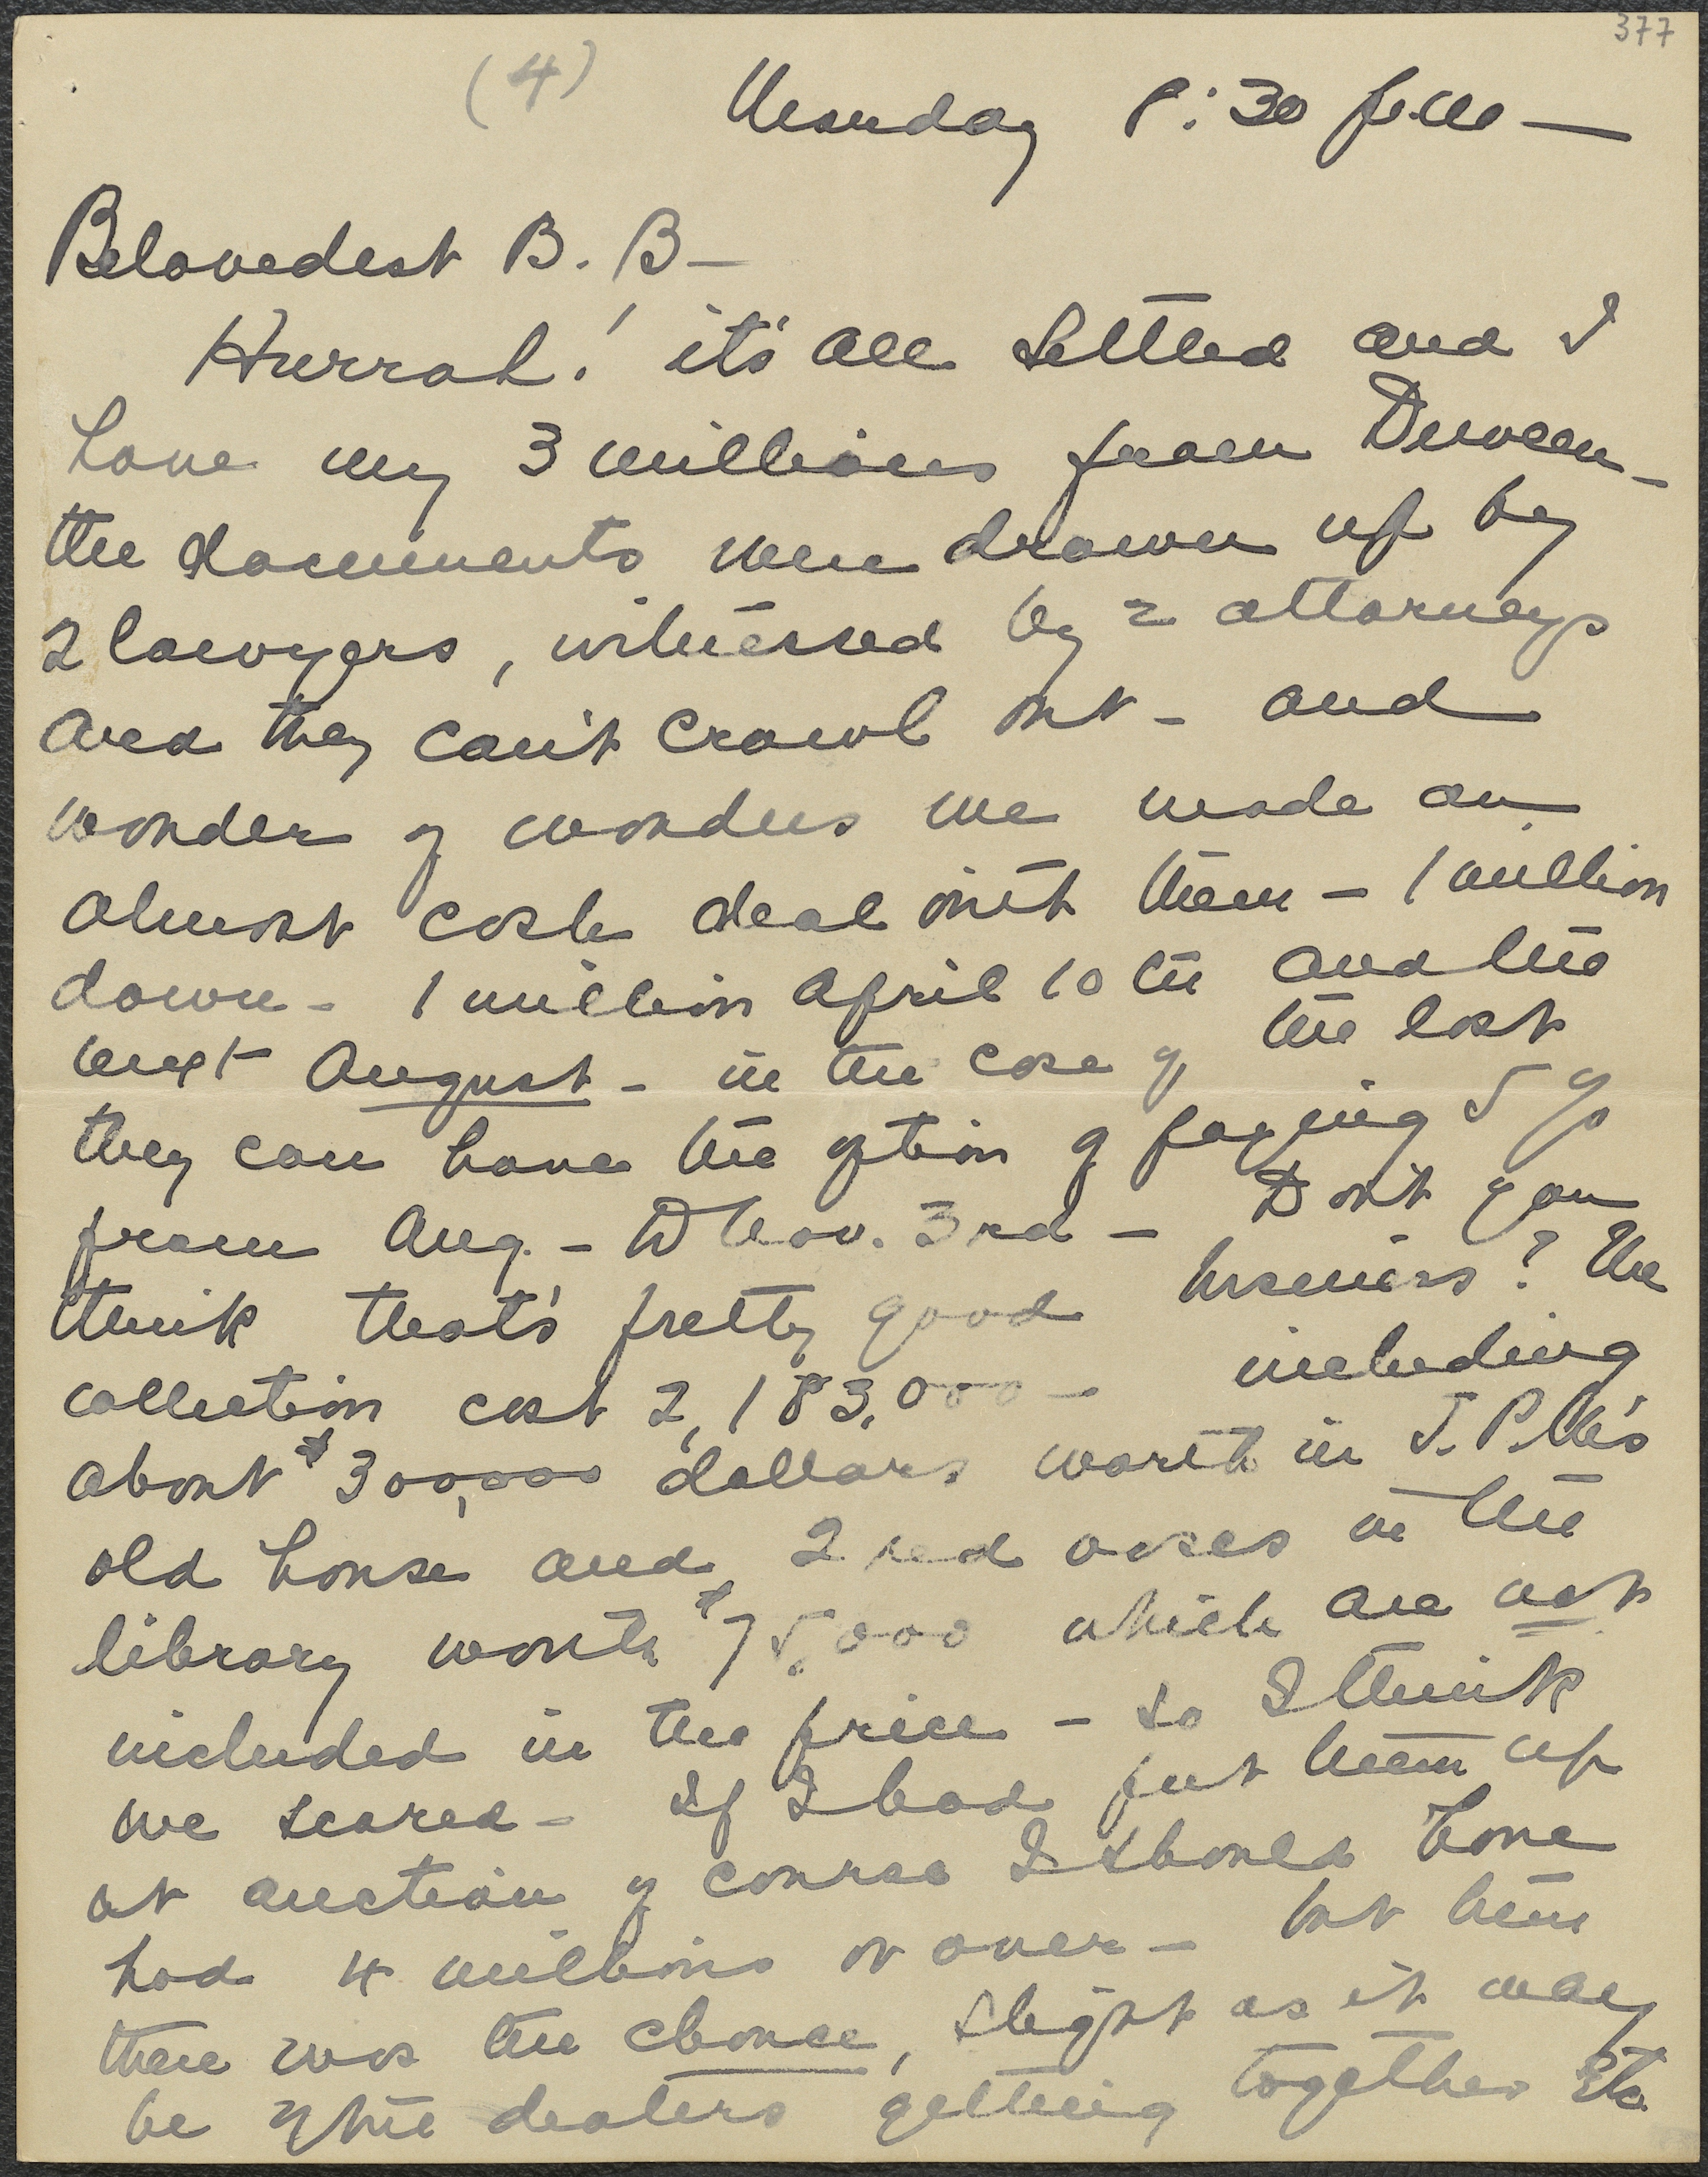(4) Monday 8:30 p.m –
Belovedest B.B –
Hurrah! it’s all settled and I have my 3 millions from Duveen – the documents were drawn up by 2 lawyers, witnessed by 2 attorneys and they can’t crawl out – and wonder of wonders we made an almost cash deal with them – 1 million down – 1 million April 10th and the next August – in the case of the last they can have the option of paying 5% from Aug. – to Nov. 3rd – Don’t you think that’s pretty good business? The collection cost 2,183,000 – including about $300,000 dollars worth in J.P.M’s old house and 2 red vases in the library worth $75,000 which are [double underlined: not] included in the price – so I think we scored – If I had put them up at auction of course I should have had 4 millions or over – but then there was the chance, slight as it may be of the dealers getting together etc.